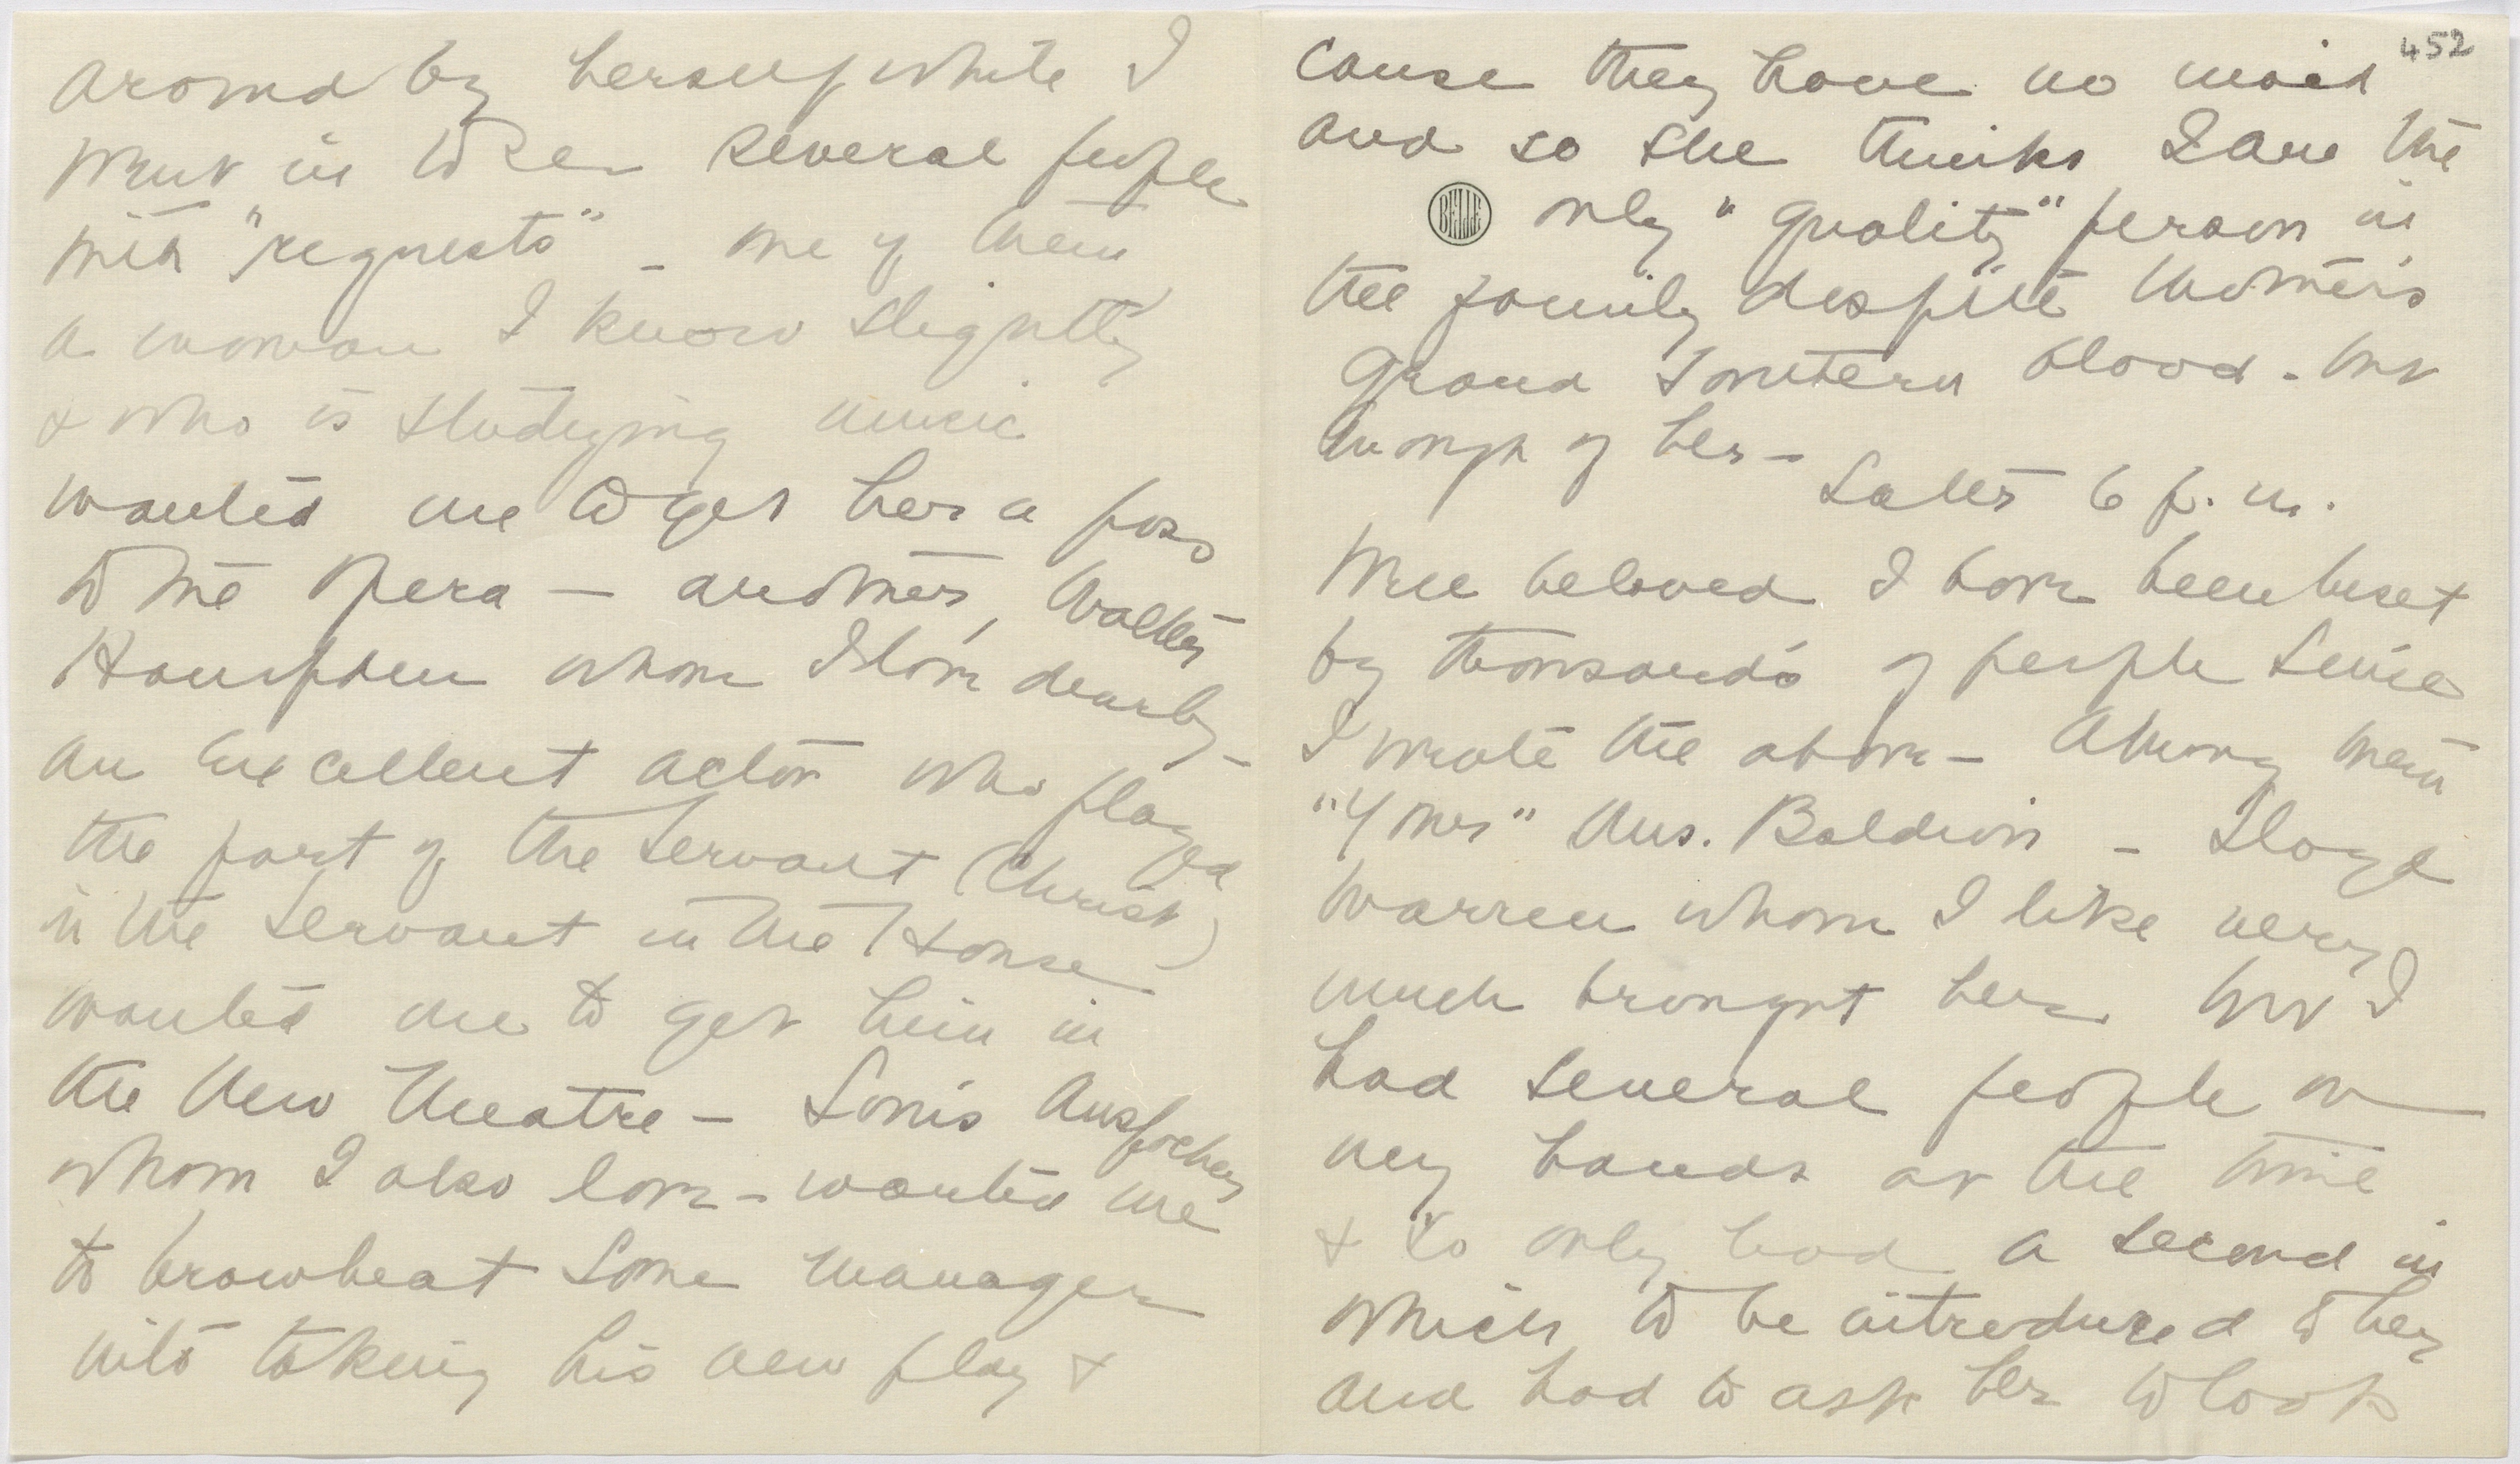they have no maid and so she thinks I am the only “quality” person in the family despite Mother’s grand southern blood. but enough of her –
Later 6 p.m.
Well beloved I have been beset by thousand’s of people since I wrote the above – Among them “your” Mrs. Baldwin – Lloyd Warren whom I like very much brought her but I had several people on my hands at the time & so only had a second in which to be introduced to her and had to ask her to look
around by herself while I went in to see several people with “requests” – one of them a woman I know slightly & who is studying music wanted me to get her a pass to the opera – another, Walter Hampden whom I love dearly – an excellent actor who played in the Servant (Christ) in the Servant in the House wanted me to get him in the New Theatre – Louis Anspacher whom I also love – wanted me to browbeat some manager into taking his new play &